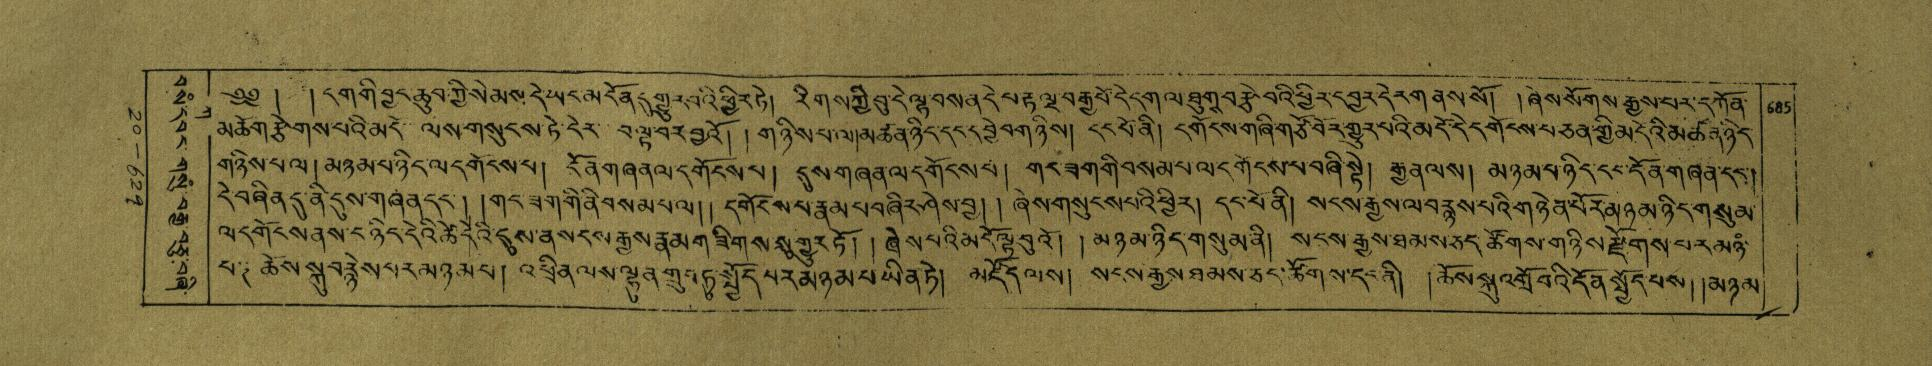༄༅། །དག་གི་བྱང་ཆུབ་ཀྱི་སེམས་དེ་ཡང་མངོན་དུ་གྱུར་པའི་ཕྱིར་ཏེ། རིགས་ཀྱི་བུ་དེ་པ་རྟ་བས་ན་དེ་པ་རྟ་ལྔ་བརྒྱ་པོ་དེ་དག་ལ་ཐུགས་བརྩེ་བའི་ཕྱིར་དབྱར་དེར་གནས་སོ། །ཞེས་སོགས་རྒྱས་པར་དཀོན་
མཆོག་རྩེགས་པའི་མདོ་ལས་གསུངས་ཏེ་དེར་བལྟ་བར་བྱའོ། །གཉིས་པ་ལ། མཚན་ཉིད་དང་དབྱེ་བ་གཉིས། དང་པོ་ནི། དགོངས་གཞི་གཙོ་བོར་གྱུར་པའི་མདོ་དེ་དགོངས་པ་ཅན་གྱི་མདོའི་མཚན་ཉིད་
གཉིས་པ་ལ། མཉམ་པ་ཉིད་ལ་དགོངས་པ། དོན་གཞན་ལ་དགོངས་པ། དུས་གཞན་ལ་དགོངས་པ། གང་ཟག་གི་བསམ་པ་ལ་དགོངས་པ་བཞི་སྟེ། རྒྱན་ལས། མཉམ་པ་ཉིད་དང་དོན་གཞན་དང་།
དེ་བཞིན་དུ་ནི་དུས་གཞན་དང་། །གང་ཟག་གི་ནི་བསམ་པ་ལ། །དགོངས་པ་རྣམ་པ་བཞིར་ཤེས་བྱ། །ཞེས་གསུངས་པའི་ཕྱིར། དང་པོ་ནི། སངས་རྒྱས་ལ་བརྙས་པའི་གཉེན་པོར་མཉམ་ཉིད་གསུམ་
ལ་དགོངས་ནས་ང་ཉིད་དེའི་ཚེ་དེའི་དུས་ན་སངས་རྒྱས་རྣམ་གཟིགས་སུ་གྱུར་ཏོ། །ཞེས་པའི་མདོ་ལྟ་བུའོ། །མཉམ་ཉིད་གསུམ་ནི། སངས་རྒྱས་ཐམས་ཅད་ཚོགས་གཉིས་རྫོགས་པར་མཉཾ་
པ༑ ཆོས་སྐུ་བརྙེས་པར་མཉམ་པ། འཕྲིན་ལས་ལྷུན་གྲུབ་ཏུ་སྤྱོད་པར་མཉམ་པ་ཡིན་ཏེ། མཛོད་ལས། སངས་རྒྱས་ཐམས་ཅད་ཚོགས་དང་ནི། །ཆོས་སྐུ་འགྲོ་བའི་དོན་སྤྱོད་པས། །མཉམ་